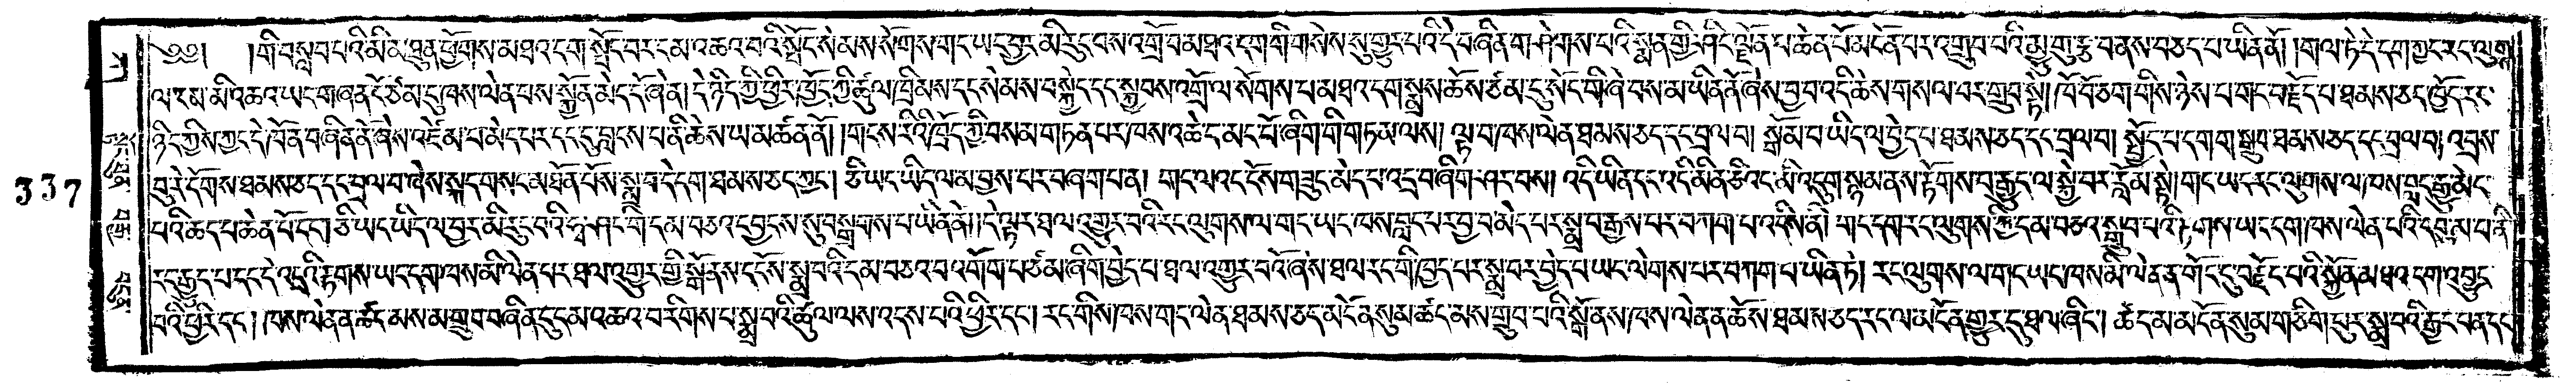༄༅། །གི་བསླབ་པའི་མི་མཐུན་ཕྱོགས་མཐའ་དག་སྤོང་བར་དམ་འཆའ་བའི་སྤོང་སེམས་སོགས་གང་ཡང་བྱར་མི་རུང་བས་འགྲོ་བ་མཐའ་དག་གི་གསེས་སུ་གྱུར་པའི་དེ་བཞིན་གཤེགས་པའི་སྨན་གྱི་ཤིང་ལྗོན་པ་ཆེན་པོ་མངོན་པར་འགྲུབ་པའི་མྱུ་གུ་རྩ་བ་ནས་བཅད་པ་ཡིན་ནོ། །གལ་ཏེ་དེ་དག་ཀྱང་རང་ལུགས་
ལ་དམ་མི་འཆའ་ཡང་གཞན་ངོ་ཙམ་དུ་ཁས་ལེན་པས་སྐྱོན་མེད་དོ་ཞེ་ན། དེ་ཉིད་ཀྱི་ཕྱིར་ཁྱོད་ཀྱི་ཚུལ་ཁྲིམས་དང་སེམས་བསྐྱེད་དང་སྐྱབས་འགྲོ་ལ་སོགས་པ་མཐའ་དག་སྨྲས་ཆོས་ཙམ་དུ་སོང་གི་ཞེ་བས་མ་ཡིན་ནོ་ཞེས་བྱ་བ་འདི་ཆེས་གསལ་བར་གྲུབ་སྟེ། ཁོ་བོ་ཅག་གིས་ཉེས་པ་གང་བརྗོད་པ་ཐམས་ཅད་ཁྱོད་རང་
ཉིད་ཀྱིས་ཀྱང་དེ་ཁོ་ན་བཞིན་ནོ་ཞེས་འཛེམ་པ་མེད་པར་དང་དུ་བླངས་པ་ནི་ཆེས་ཡ་མཚན་ནོ། །གངས་རིའི་ཁྲོད་ཀྱི་བསམ་གཏན་པར་ཁས་འཆེ་ང་མང་པོ་ཞིག་གི་གཏམ་ལས། ལྟ་བ་ཁས་ལེན་ཐམས་ཅད་དང་བྲལ་བ། སྒོམ་པ་ཡིད་ལ་བྱེད་པ་ཐམས་ཅད་དང་བྲལ་བ། སྤྱོད་པ་དགག་སྒྲུབ་ཐམས་ཅད་དང་བྲལ་བ། འབྲས་
བུ་རེ་དོགས་ཐམས་ཅད་དང་བྲལ་བ་ཞེས་སྐད་གསང་མཐོན་པོས་སྨྲ་བ་དེ་དག་ཐམས་ཅད་ཀྱང་། ཅི་ཡང་ཡིད་ལ་མ་བྱས་པར་བཞག་པ་ན། གང་ལའང་ངོས་གཟུང་མེད་པ་འདྲ་བ་ཞིག་ཤར་བས། འདི་ཡིན་དང་འདི་མིན་ཅིའང་མི་འདུག་སྙམ་ནས་རྟོགས་བ་རྒྱུད་ལ་སྐྱེ་བར་རློམ་སྟེ། གང་ཡང་རང་ལུགས་ལ་ཁས་བླང་རྒྱུ་མེད་
པའི་ཆད་པ་ཆེན་པོ་དང་། ཅི་ཡང་ཡིད་ལ་བྱར་མི་རུང་བའི་ཧྭ་ཤང་གི་དམ་བཅའ་དབྱངས་སུ་བསྒྲགས་པ་ཡིན་ནོ། །དེ་ལྟར་ཐལ་འགྱུར་བའི་རང་ལུགས་ལ་གང་ཡང་ཁས་བླང་པར་བྱ་བ་མེད་པར་སྨྲ་བ་རྒྱས་པར་བཀག་པ་འདིས་ནི། གང་དག་རང་ལུགས་ཀྱི་དམ་བཅའ་སྒྲུབ་པའི་རྟགས་ཡང་དག་ཁས་ལེན་པའི་དབུ་མ་བ་ནི་
རང་རྒྱུད་པ་དང་དེ་འདྲའི་རྟགས་ཡང་དག་ཁས་མི་ལེན་པར་ཐལ་འགྱུར་གྱི་སྒོ་ནས་དངོས་སྨྲ་བའི་དམ་བཅའ་བ་འགོག་པ་ཙམ་ཞིག་བྱེད་པ་ཐལ་འགྱུར་བའོ་ཞེས་ཐལ་རང་གི་ཁྱད་པར་སྨྲ་བར་བྱེད་པ་ཡང་ལེགས་པར་བཀག་པ་ཡིན་ཏེ། རང་ལུགས་ལ་གང་ཡང་ཁས་མི་ལེན་ན་གོང་དུ་བརྗོད་པའི་སྐྱོན་མཐའ་དག་འབྱུང་
བའི་ཕྱིར་དང་། ཁས་ལེན་ན་ཚད་མས་མ་གྲུབ་བཞིན་དུ་དམ་འཆའ་བ་རིགས་པ་སྨྲ་བའི་ཚུལ་ལས་འདས་པའི་ཕྱིར་དང་། རང་གིས་ཁས་གང་ལེན་ཐམས་ཅད་མངོན་སུམ་ཚད་མས་གྲུབ་པའི་སྒོ་ནས་ཁས་ལེན་ན་ཆོས་ཐམས་ཅད་རང་ལ་མངོན་གྱུར་དུ་ཐལ་ཞིང་། ཚད་མ་མངོན་སུམ་གཅིག་པུར་སྨྲ་བའི་རྒྱང་པན་དང་